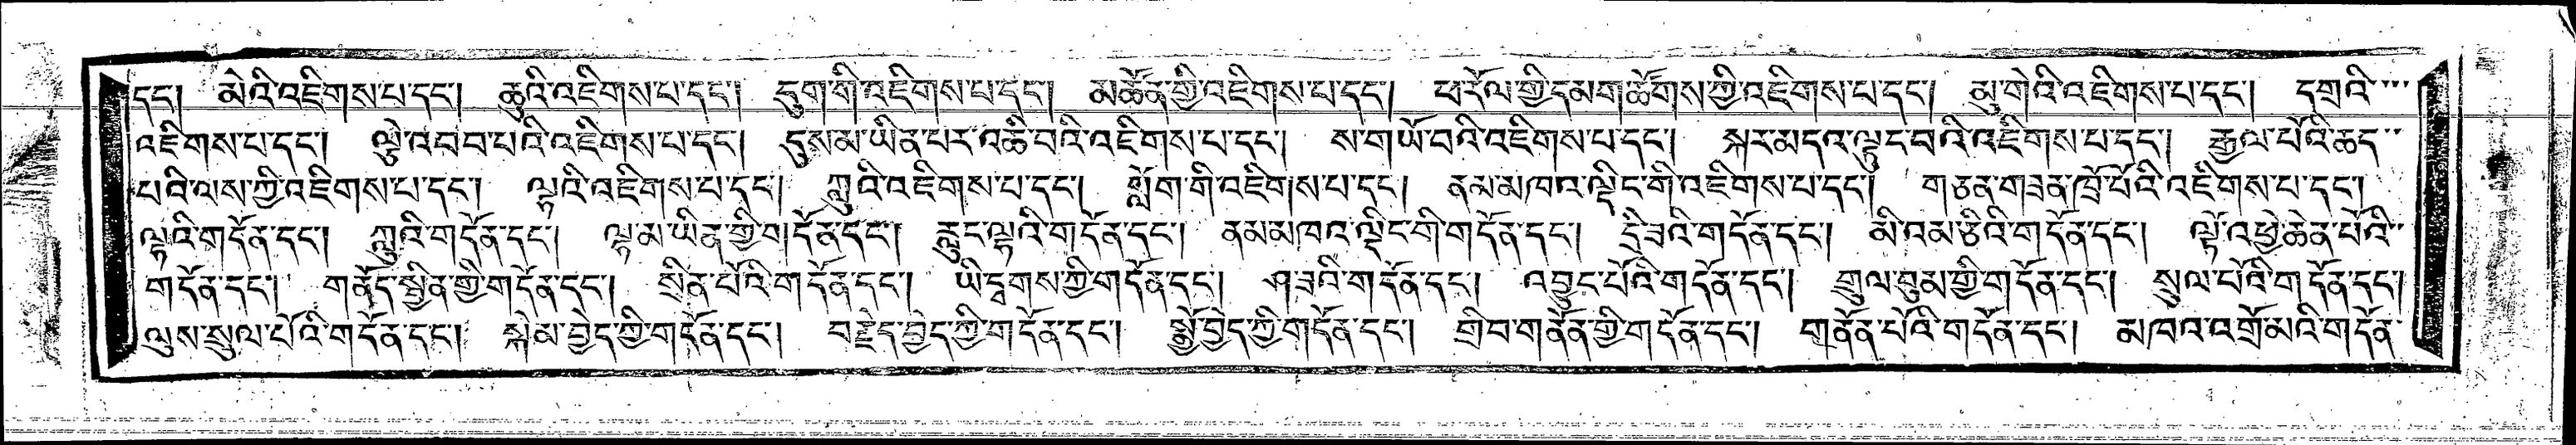དང་། མེའི་འཇིགས་པ་དང་། ཆུའི་འཇིགས་པ་དང་། དུག་གི་འཇིགས་པ་དང་། མཚོན་གྱི་འཇིགས་པ་དང་། ཕ་རོལ་གྱི་དམག་ཚོགས་ཀྱི་འཇིགས་པ་དང་། མུ་གེའི་འཇིགས་པ་དང་། དགྲའི་
འཇིགས་པ་དང་། ལྕེ་འབབ་པའི་འཇིགས་པ་དང་། དུས་མ་ཡིན་པར་འཆི་བའི་འཇིགས་པ་དང་། ས་གཡོ་བའི་འཇིགས་པ་དང་། སྐར་མདའ་ལྟུང་བའི་འཇིགས་པ་དང་། རྒྱལ་པོའི་ཆད་
པའི་ལས་ཀྱི་འཇིགས་པ་དང་། ལྷའི་འཇིགས་པ་དང་། ཀླུའི་འཇིགས་པ་དང་། གློག་གི་འཇིགས་པ་དང་། ནམ་མཁའ་ལྡིང་གི་འཇིགས་པ་དང་། གཅན་གཟན་ཁྲོ་བོའི་འཇིགས་པ་དང་།
ལྷའི་གདོན་དང་། ཀླུའི་གདོན་དང་། ལྷ་མ་ཡིན་གྱི་གདོན་དང་། རླུང་ལྷའི་གདོན་དང་། ནམ་མཁའ་ལྡིང་གི་གདོན་དང་། དྲི་ཟའི་གདོན་དང་། མིའམ་ཅིའི་གདོན་དང་། ལྟོ་འཕྱེ་ཆེན་པོའི་
གདོན་དང་། གནོད་སྦྱིན་གྱི་གདོན་དང་། སྲིན་པོའི་གདོན་དང་། ཡི་དྭགས་ཀྱི་གདོན་དང་། ཤ་ཟའི་གདོན་དང་། འབྱུང་པོའི་གདོན་དང་། གྲུལ་བུམ་གྱི་གདོན་དང་། སྲུལ་པོའི་གདོན་དང་།
ལུས་སྲུལ་པོའི་གདོན་དང་། སྐེམ་བྱེད་ཀྱི་གདོན་དང་། བརྗེད་བྱེད་ཀྱི་གདོན་དང་། སྨྱོ་བྱེད་ཀྱི་གདོན་དང་། གྲིབ་གནོན་གྱི་གདོན་དང་། གནོན་པོའི་གདོན་དང་། མཁའ་འགྲོ་མའི་གདོན་